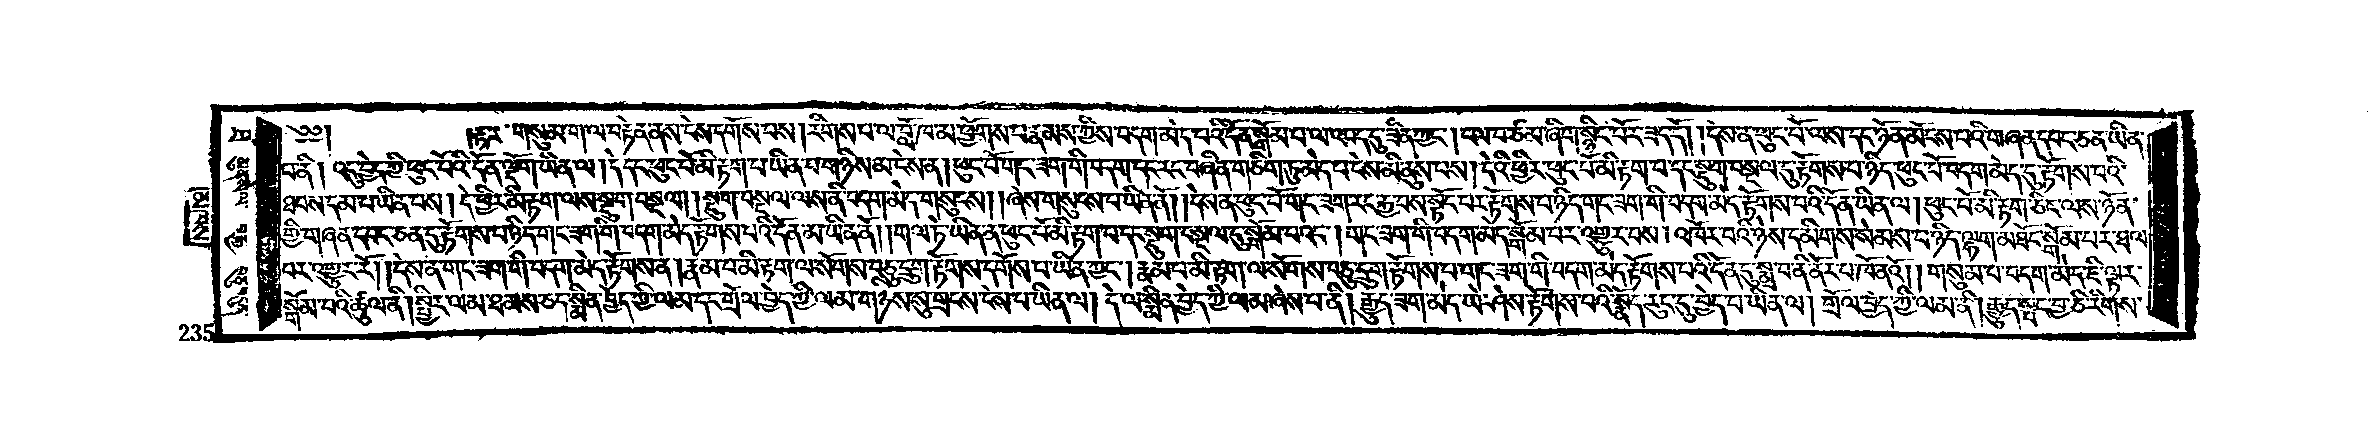༄༅། །རྟཌ་གསུམ་ག་ལ་བརྟེན་ནས་ངེས་དགོས་པས། རིགས་པ་ལ་བློ་ཁ་མ་ཕྱོགས་པ་རྣམས་ཀྱིས་བདག་མེད་པའི་དོན་སྒོམ་པ་ལ་འབད་དུ་ཟིན་ཀྱང་། ངལ་བ་ཙམ་ཞིག་སྙིང་པོར་ཟད་དོ། །དེས་ན་ཕུང་པོ་ལས་དང་ཉོན་མོངས་པའི་གཞན་དབང་ཅན་ཡིན་
པ་ནི། འདུ་བྱེད་ཀྱི་ཕུང་པོའི་དོན་ལྡོག་ཡིན་ལ། དེ་དང་ཕུང་པོ་མི་རྟག་པ་ཡིན་པ་གཉིས་མ་ངེས་ན། ཕུང་པོ་གང་ཟག་གི་བདག་དང་རང་བཞིན་གཅིག་ཏུ་མེད་པ་ངེས་མི་ནུས་པས། དེའི་ཕྱིར་ཕུང་པོ་མི་རྟག་པ་དང་སྡུག་བསྔལ་དུ་རྟོགས་པ་ཉིད་ཕུང་པོ་བདག་མེད་དུ་རྟོགས་པའི་
ཐབས་དམ་པ་ཡིན་པས། དེ་ཕྱིར་མི་རྟག་ལས་སྡུག་བསྔལ། །སྡུག་བསྔལ་ལས་ནི་བདག་མེད་གསུངས། །ཞེས་གསུངས་པ་ཡིན་ནོ། །དེས་ན་ཕུང་པོ་གང་ཟག་རང་རྐྱ་བས་སྟོང་པར་རྟོགས་པ་ཉིད་གང་ཟག་གི་བདག་མེད་རྟོགས་པའི་དོན་ཡིན་ལ། ཕུང་པོ་མི་རྟག་ཅིང་ལས་ཉོན་
གྱི་གཞན་དབང་ཅན་དུ་རྟོགས་པ་ཉིད་གང་ཟག་གི་བདག་མེད་རྟོགས་པའི་དོན་མ་ཡིན་ནོ། །གལ་ཏེ་ཡིན་ན་ཕུང་པོ་མི་རྟག་པ་དང་སྡུག་བསྔལ་དུ་སྒོམ་པའང་། གང་ཟག་གི་བདག་མེད་སྒོམ་པར་འགྱུར་བས། འཁོར་བའི་ཉེས་དམིགས་སེམས་པ་ཉིད་ལྷག་མཐོང་སྒོམ་པར་ཐལ་
བར་འགྱུར་རོ། །དེས་ན་གང་ཟག་གི་བདག་མེད་རྟོགས་ན། རྣམ་པ་མི་རྟག་ལ་སོགས་བཅུ་དྲུག་རྟོགས་དགོས་པ་ཡིན་ཀྱང་།རྣམ་པ་མི་རྟག་ལ་སོགས་བཅུ་དྲུག་རྟོགས་པ་གང་ཟག་གི་བདག་མེད་རྟོགས་པའི་དོན་དུ་སྨྲ་བ་ནི་ནོར་པ་ཁོ་ནའོ། །གསུམ་པ་བདག་མེད་ཇི་ལྟར་
སྒོམ་པའི་ཚུལ་ནི། སྤྱིར་ལམ་ཐམས་ཅད་སྨིན་བྱེད་ཀྱི་ལམ་དང་གྲོལ་བྱེད་ཀྱི་ལམ་གཉིས་སུ་གྲངས་ངེས་པ་ཡིན་ལ། དེ་ལ་སྨིན་བྱེད་ཀྱི་ལམ་ཞེས་པ་ནི། རྒྱུད་ཟག་མེད་ཡེ་ཤེས་རྟོགས་པའི་སྣོད་རུང་དུ་བྱེད་པ་ཡིན་ལ། གྲོལ་བྱེད་ཀྱི་ལམ་ནི། རྒྱུད་སྤང་བྱ་ཅི་རིགས་